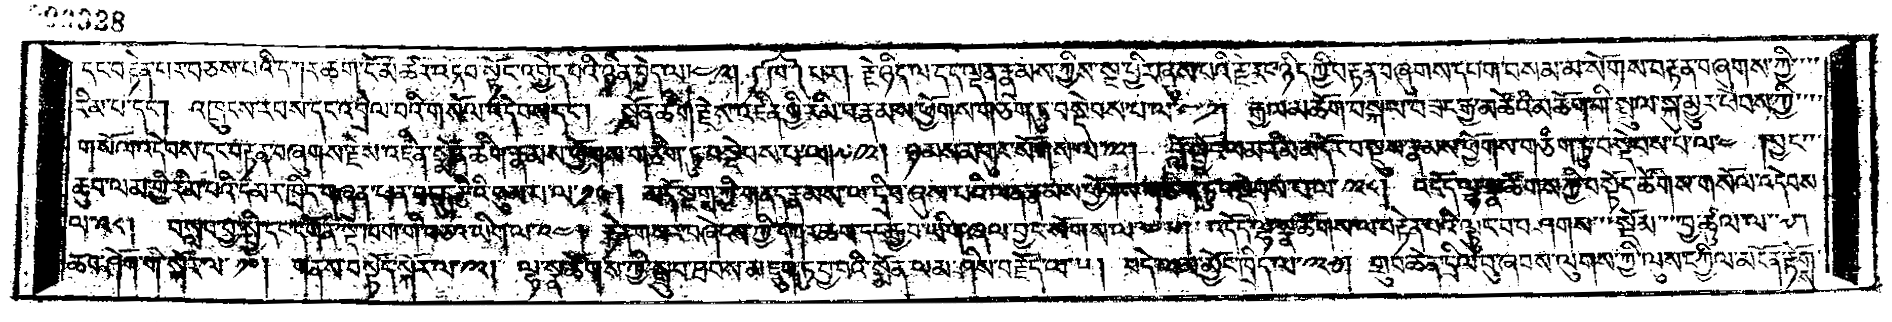དང་བརྟེན་པར་བཅས་པའི་དཀར་ཆག་ངོ་མཚར་འདབ་སྟོང་འབྱེད་པའི་ཉིན་བྱེད་ལ། ༤༢། ༼ཁ༽ པར། རྗེ་ཉིད་ལ་དད་ལྡན་རྣམས་ཀྱིས་སྔ་ཕྱིར་ཞུས་པའི་རྗེ་རང་ཉིད་ཀྱི་བརྟན་བཞུགས་དཔག་བསམ་མ་སོགས་བརྟན་བཞུགས་ཀྱི་
རིམ་པ་དང་། འཁྲུངས་རབས་དང་འབྲེལ་བའི་གསོལ་འདེབས་དང་། སྨོན་ཚིག་རྗེས་འཛིན་གྱི་རིམ་པ་རྣམས་ཕྱོགས་གཅིག་ཏུ་བསྡེབས་པ་ལ ༤༡། རྒྱལ་མཆོག་བསྐལ་བཟང་རྒྱ་མཚོའི་མཆོག་གི་སྤྲུལ་སྐུ་མྱུར་ཕེབས་ཀྱི་
གསོལ་འདེབས་དང་བརྟན་བཞུགས་རྗེས་འཛིན་སྨོན་ཚིག་རྣམས་ཕྱོགས་གཅིག་ཏུ་བསྡེབས་པ་ལ། ༧༡༢། ཉམས་མགུར་སོགས་ལ ༡༢། བློ་སྦྱོང་ལམ་རིམ་མདོར་བསྡུས་རྣམས་ཕྱོགས་གཅིག་ཏུ་བསྡེབས་པ་ལ ༤་།བྱང་
ཆུབ་ལམ་གྱི་རིམ་པའི་དམར་ཁྲིད་གཞན་ཕམ་བདུད་རྩིའི་བུམ་པ་ལ ༡༦། མདོ་སྔགས་ཀྱི་གནད་རྣམས་ལ་དྲི་བ་ཞུས་པའི་ལན་རྣམས་ཕྱོགས་གཅིག་ཏུ་བསྡེབས་པ་ལ ༡༢༨། འདོད་ལྷ་སྣ་ཚོགས་ཀྱི་བསྟོད་ཚོགས་གསོལ་འདེབས་
ལ ༢༨། བསླབ་བྱ་སྤྱི་དང་དགོན་སྡེ་ཁག་གི་བཅའ་ཡིག་ལ ༢༤། རྟེན་གསར་བཞེངས་ཀྱི་དཀར་ཆག་དང་རྒྱབ་ཡིག་ཞལ་བྱང་སོགས་ལ ༤༥། འདོད་ལྷ་སྣ་ཚོགས་ལ་བརྟེན་པའི་ལྟུང་བ་བཤགས་སྡོམ་བྱ་ཚུལ་ལ་
ཆབ་ཤོག་གི་སྐོར་ལ ༡༠། གནས་བསྟོད་སྐོར་ལ ༡༢། ལྷ་སྣ་ཚོགས་ཀྱི་སྒྲུབ་ཐབས་མཇུག་ཏུ་བྱ་བའི་སྨོན་ལམ་ཤིས་བརྗོད་ལ ༥། བདེ་ལམ་མྱོང་ཁྲིད་ལ ༡༢༧། གྲུབ་ཆེན་དྲིལ་བུ་ཞབས་ལུགས་ཀྱི་ལུས་དཀྱིལ་མངོན་རྟོགས་